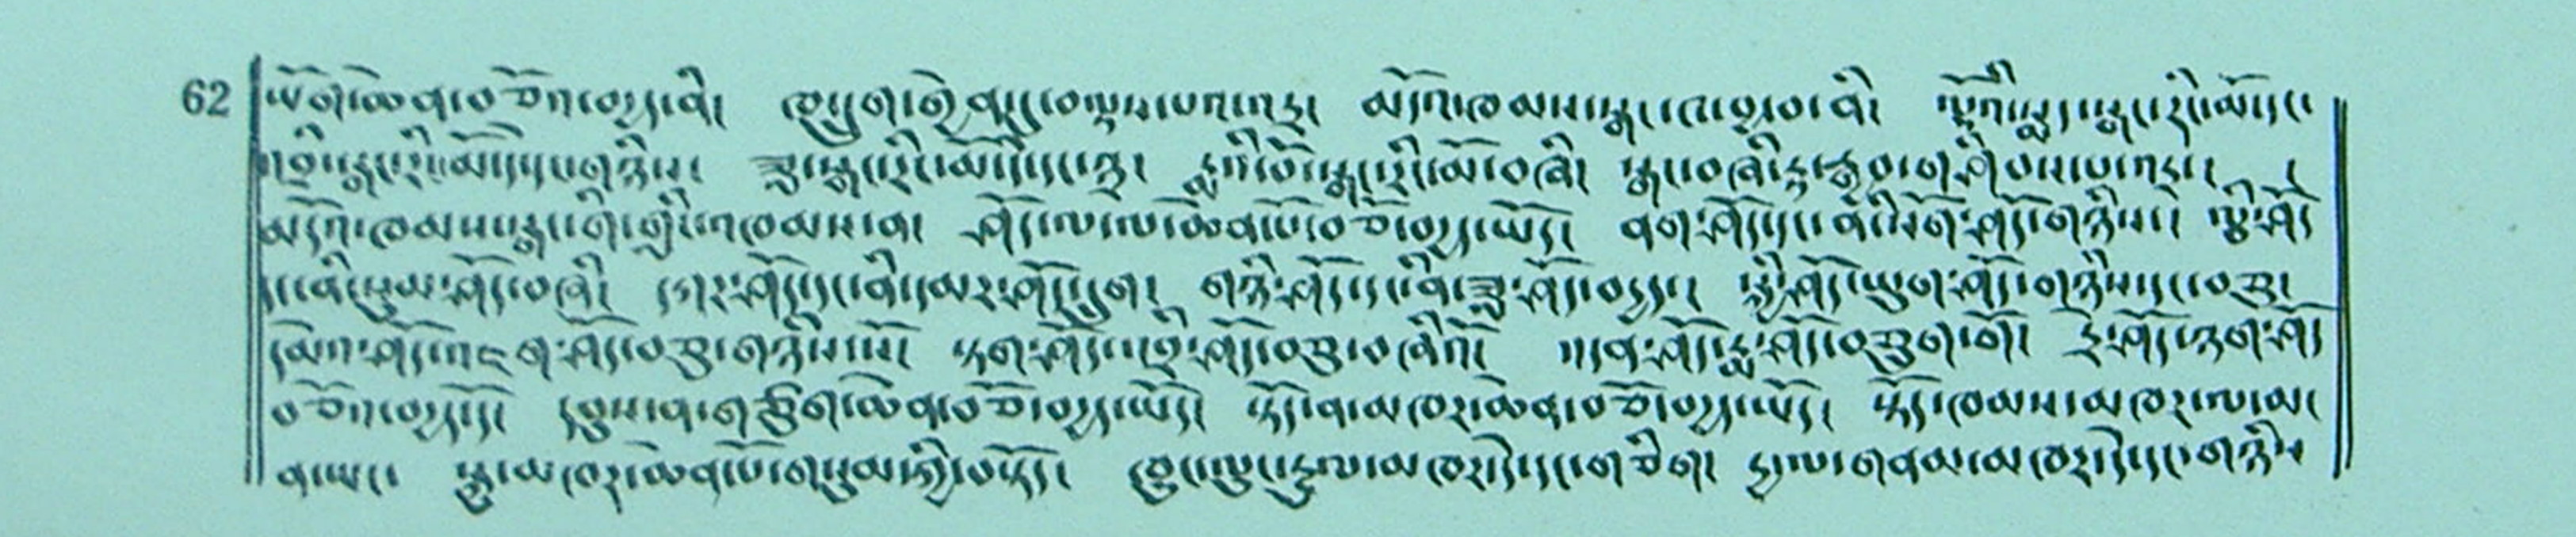ཡོག་ཆེན་བཅོ་བརྒྱད་ནི། ཁ་དྲུག་གྱེན་དུ་བལྟས་པ་འདྲ། མདོ་ཁམས་སྒང་བཞི་བྱ་བ་ནི། ལྷོ་ཡི་སྨད་སྒང་རིང་མོ་དང་། 
འབྲི་སྒང་རིང་མོ་དེ་དང་གཉིས། ཟླ་སྒང་རིང་མོ་དེ་དང་གསུམ། རྨ་ཡི་བོ་སྒང་རིང་མོ་བཞི། སྒང་བཞི་རྟ་རྒྱབ་གཤིབ་པ་འདྲ། 
མདོ་ཁམས་སྒང་གི་གླིང་ཁམས་ནས། ཤོད་ལ་ཆེན་པོ་བཅོ་བརྒྱད་ཡོད། ནག་ཤོད་དང་ནི་སོག་ཤོད་གཉིས། ལྕི་ཤོད་
དང་ནི་སུམ་ཤོད་བཞི། དཀར་ཤོད་དང་ནི་དམར་ཤོད་དྲུག གཉི་ཤོད་དང་ནི་ཟླ་ཤོད་བརྒྱད། སྐྱི་ཤོད་ཡུག་ཤོད་གཉིས་དང་བཅུ། 
དམེ་ཤོད་འཇག་ཤོད་བཅུ་གཉིས་སོ། །སྟག་ཤོད་འབྲི་ཤོད་དང་བཅུ་བཞིའོ། འདན་ཤོད་རྨ་ཤོད་དང་བཅུ་དྲུག་གོ། དྲེ་ཤོད་ཉག་ཤོད་
བཅོ་བརྒྱད་དོ། །དབུས་ན་གཙུག་ཆེན་བཅོ་བརྒྱད་ཡོད། སྟོད་ན་མཁར་ཆེན་བཅོ་བརྒྱད་ཡོད། སྟོང་ཁམས་མཁར་ལ་མང་
ན་ཡང་། སྐུ་མཁར་ཆེན་པོ་གསུམ་གྱིས་བསྟོད། ཁྱུང་ལུང་རྔུལ་མཁར་དེ་དང་གཅིག རྒྱ་ལ་གནམ་མཁར་དེ་དང་གཉིས།